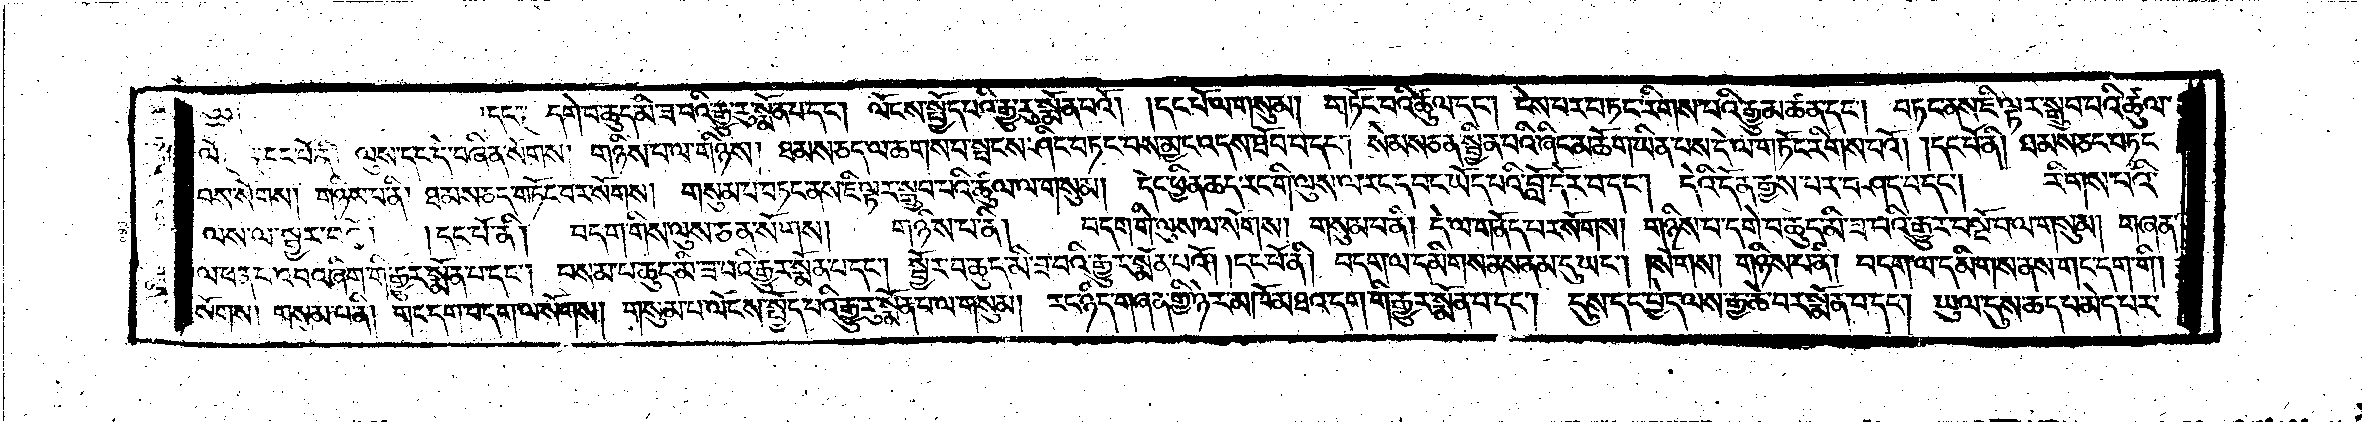༄༅། །དང༑ དགེ་བ་ཆུད་མི་ཟ་བའི་རྒྱུ་རུ་སྨོན་པ་དང་། ལོངས་སྤྱོད་པའི་རྒྱུ་རུ་སྨོན་པའོ། །དང་པོ་ལ་གསུམ། གཏོང་བའི་ཚུལ་དང་། ངེས་པར་བཏང་རིགས་པའི་རྒྱུ་མཚན་དང་། བཏང་ནས་ཇི་ལྟར་སྒྲུབ་པའི་ཚུལ་
ལོ༑ ༑དང་པོ་ནི། ལུས་དང་དེ་བཞིན་སོགས། གཉིས་པ་ལ་གཉིས། ཐམས་ཅད་ལ་ཆགས་པ་སྤངས་ཤིང་བཏང་བས་མྱང་འདས་ཐོབ་པ་དང་། སེམས་ཅན་སྦྱིན་པའི་ཞིང་མཆོག་ཡིན་པས་དེ་ལ་གཏོང་རིགས་པའོ། །དང་པོ་ནི། ཐམས་ཅད་བཏང་
བས་སོགས། གཉིས་པ་ནི། ཐམས་ཅད་གཏོང་བར་སོགས། གསུམ་པ་བཏང་ནས་ཇི་ལྟར་སྒྲུབ་པའི་ཚུལ་ལ་གསུམ། དེང་ཕྱིན་ཆད་རང་གི་ལུས་ལ་རང་དབང་ཡོད་པའི་བློ་དོར་བ་དང་། དེའི་དོན་རྒྱས་པར་བཤད་པ་དང་། རིགས་པའི་
ལས་ལ་སྦྱར་བའོ། །དང་པོ་ནི། བདག་གིས་ལུས་ཅན་སོགས། གཉིས་པ་ནི། བདག་གི་ལུས་ལ་སོགས། གསུམ་པ་ནི། དེ་ལ་གནོད་པར་སོགས། གཉིས་པ་དགེ་བ་ཆུད་མི་ཟ་བའི་རྒྱུར་བསྔོ་པ་ལ་གསུམ། གཞན་
ལ་ཕན་པ་འབའ་ཞིག་གི་རྒྱུར་སྨོན་པ་དང་། བསམ་པ་ཆུད་མི་ཟ་བའི་རྒྱུར་སྨོན་པ་དང་། སྦྱོར་བ་ཆུད་མི་ཟ་བའི་རྒྱུར་སྨོན་པའོ། །དང་པོ་ནི། བདག་ལ་དམིགས་ནས་ནམ་དུ་ཡང་། །སོགས། གཉིས་པ་ནི། བདག་ལ་དམིགས་ནས་གང་དག་གི།
སོགས། གསུམ་པ་ནི། གང་དག་བདག་ལ་སོགས། གསུམ་པ་ལོངས་སྤྱོད་པའི་རྒྱུ་རུ་སྨོན་པ་ལ་གསུམ། རང་ཉིད་གཞན་གྱི་ཉེར་མཁོ་མཐའ་དག་གི་རྒྱུར་སྨོན་པ་དང་། དུས་དང་བྱེད་ལས་རྒྱ་ཆེ་བར་སྨོན་པ་དང་། ཡུལ་དུས་ཆད་པ་མེད་པར་